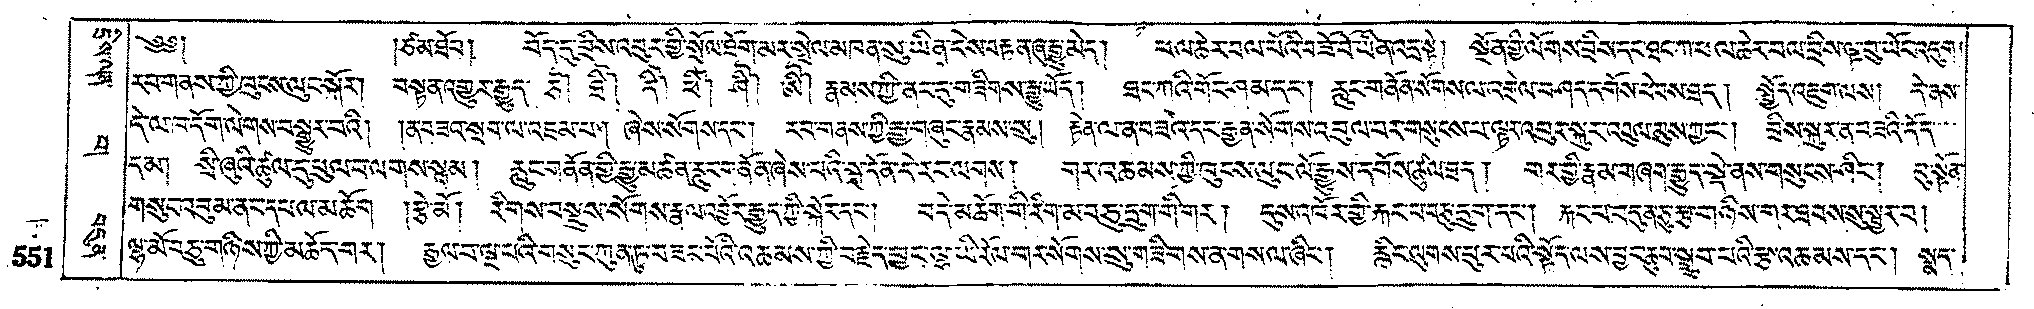༄༅། །ཙམ་ཐོབ། བོད་དུ་བྲིས་འབུར་གྱི་སྲོལ་ཐོག་མར་སྤེལ་མཁན་སུ་ཡིན་ངེས་བརྟན་ཞུ་རྒྱུ་མེད། ཕལ་ཆེར་བལ་པོའི་བཟོ་བོ་ཡིན་འདྲ་སྟེ། སྔོན་གྱི་ལོགས་བྲིས་དང་ཐང་ཀ་ཕལ་ཆེར་བལ་བྲིས་ལྟ་བུ་ཡོང་འདུག།
རབ་གནས་ཀྱི་ཁུངས་ལུང་སྐོར། བསྟན་འགྱུར་རྒྱུད་ཅ༼་ཐི༽ དི༼་ཕི༽ ཤི༼་ཨི༽ རྣམས་ཀྱི་ནང་དུ་གཟིགས་རྒྱུ་ཡོད། ཐང་ཀའི་གོང་ཤམ་དང་། རླུང་གནོན་སོགས་ལ་འགྲེལ་བཤད་དགོས་ཕེབས་ཐད། སྤྱོད་འཇུག་ལས། དེ་ནས་
དེ་ལ་ཁ་དོག་ལེགས་བསྒྱུར་བའི། །ན་བཟའ་སྲབ་ལ་འཇམ་པ་྾་། ཞེས་སོགས་དང་། རབ་གནས་ཀྱི་རྒྱ་གཞུང་རྣམས་སུ། རྟེན་ལ་ན་བཟའ་དང་རྒྱན་སོགས་འབུལ་བར་གསུངས་པ་ལྟར་འབུར་སྐུར་འབུལ་མུས་ཀྱང་། བྲིས་སྐུར་ན་བཟའི་དོད་་་
དམ། སྲི་ཞུའི་ཚུལ་དུ་ཕུལ་བ་ལགས་སྙམ། རླུང་གནོན་གྱི་རྒྱུ་མཚན་རླུང་གནོན་ཞེས་པའི་སྒྲ་དོན་དེ་རང་ལགས། གར་འཆམས་ཀྱི་ཁུངས་ལུང་ལོ་རྒྱུས་དགོས་ཚུལ་ཐད། གར་གྱི་རྣམ་གཞག་རྒྱུད་སྡེ་ནས་གསུངས་ཤིང་། བུ་སྟོན་
གསུང་འབུམ་ནང་དཔལ་མཆོག །རྩེ་མོ། རིགས་བསྡུས་སོགས་རྣལ་འབྱོར་རྒྱུད་ཀྱི་སྐོར་དང་། བདེ་མཆོག་གི་རིག་མ་བཅུ་དྲུག་གི་གར། དུས་འཁོར་གྱི་རྐང་པ་བཅུ་དྲུག་དང་། རྐང་པ་བདུན་ཅུ་རྩ་གཉིས་གར་ཐབས་སུ་སྦྱར་བ།
ལྷ་མོ་བཅུ་གཉིས་ཀྱི་མཆོད་གར། རྒྱལ་བ་ལྔ་པའི་གསུང་ཀུན་ཏུ་བཟང་པོའི་འཆམས་ཀྱི་བརྗེད་བྱང་ལྷ་ཡི་རོལ་གར་སོགས་སུ་གཟིགས་ན་གསལ་ཞིང་། རྙིང་ལུགས་ཕུར་པའི་སྟོད་ལས་བྱང་ཆུབ་སྒྲུབ་པའི་རྩ་འཆམས་དང་། སྨད་